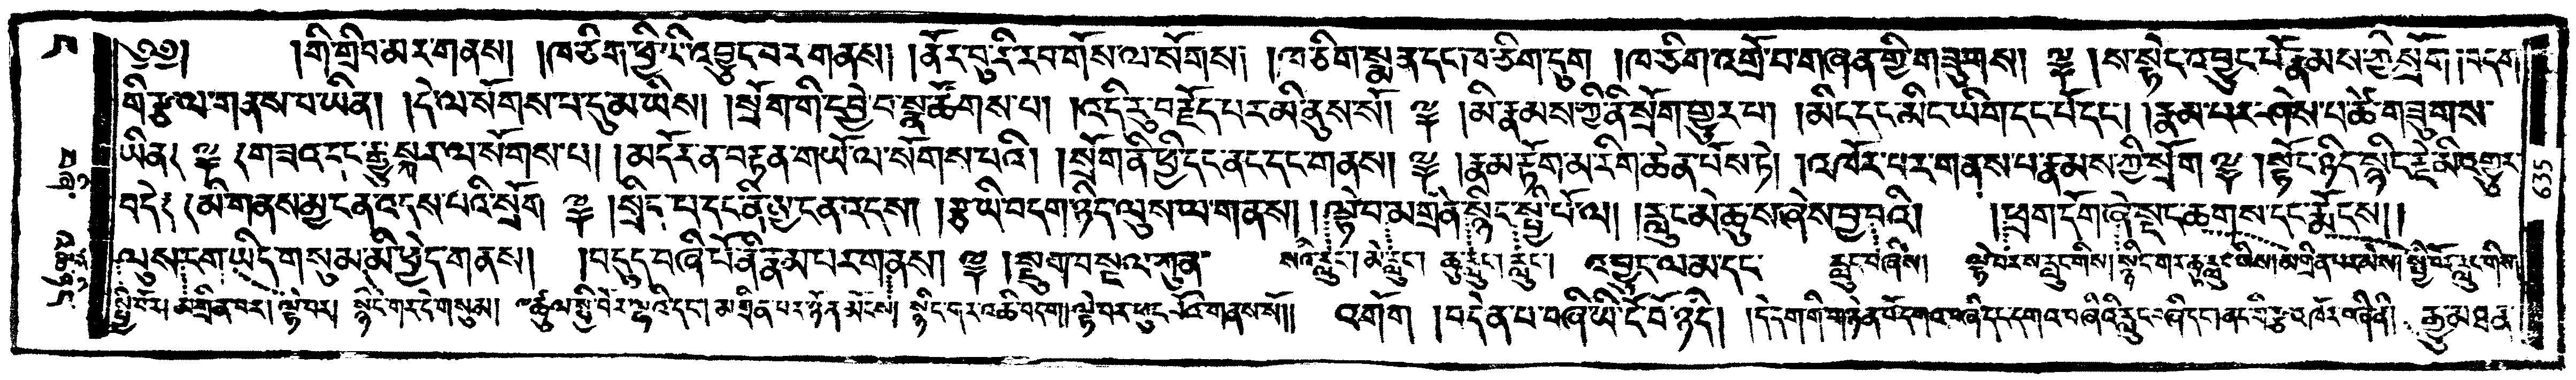༄༅། །གི་གྲིབ་མར་གནས། །ཁ་ཅིག་ཕྱིའི་འབྱུང་བར་གནས། །ནོར་བུ་རི་རབ་གོས་ལ་སོགས། །ཁ་ཅིག་སྨན་དང་ཁ་ཅིག་དུག །ཁ་ཅིག་འགྲོ་བ་གཞན་གྱི་གཟུགས། ༈ །ས་སྟེང་འབྱུང་པོ་རྣམས་ཀྱི་སྲོག །བདག་
གི་རྩ་ལ་གནས་པ་ཡིན། །དེ་ལ་སོགས་པ་དུ་མ་ཡིས། །སྲོག་གི་དབྱེ་བ་སྣ་ཚོགས་པ། །འདི་རུ་བརྗོད་པར་མི་ནུས་སོ། ༈ །མི་རྣམས་ཀྱི་ནི་སྲོག་གྱུར། །མིང་དང་མིང་ཡིག་དང་པོ་དང་། །རྣམ་པར་ཤེས་པ་ཚེ་གཟུགས་
ཡིན། ༈ ༑གཟའ་དང་རྒྱུ་སྐར་ལ་སོགས་པ། །མདོར་ན་བརྟན་གཡོ་ལ་སོགས་པའི། །སྲོག་ནི་ཕྱི་དང་ནང་དང་གནས། ༈ །རྣམ་རྟོག་མ་རིག་ཆེན་པོས་ཏེ། །འཁོར་བར་གནས་པ་རྣམས་ཀྱི་སྲོག ༈ །སྟོང་ཉིད་སྙིང་རྗེ་མི་འགྱུར་
བདེ༑ ༑མི་གནས་མྱ་ངན་འདས་པའི་སྲོག ༈ །སྲིད་པ་དང་ནི་མྱ་ངན་འདས། །རྩ་ཡི་བདག་ཉིད་ལུས་ལ་གནས། །ལྟེ་བ་མགྲིན་སྙིང་སྤྱི་པོ་ལ། །རླུང་མེ་ཆུ་ས་ཞེས་བྱ་བའི། །ཕྲག་དོག་ཞེ་སྡང་ཆགས་དང་རྨོངས། །
ལུས་ངག་ཡིད་གསུམ་མི་ཕྱེད་གནས། །བདུད་བཞི་པོ་ནི་རྣམ་པར་གནས། ༈ །སྡུག་བསྔལ་ཀུན་སའི་རླུང་། མེ་རླུང་། ཆུ་རླུང་། རླུང་། འབྱུང་ལམ་དང་རླུང་བཞིས། ལྟེ་བར་ས་རླུང་གིས། སྙིང་གར་ཆུ་རླུང་གིས། མགྲིན་པར་མེས། སྤྱི་བོར་རླུང་གིས།
སྤྱི་བོར། མགྲིན་བར། ལྟེ་བར། སྙིང་གར་དེ་གསུམ། འ་ཚུལ་སྤྱི་བོར་ལྷའི་དང་། མགྲིན་པར་ཉོན་མོངས། སྙིང་དར་འཆི་བདག། ལྟེ་བར་ཕུང་པོའི་གནས་སོ།། འགོག །བདེན་པ་བཞི་ཡི་ངོ་བོ་ཉིད། །དེ་དག་གི་གཉེན་པོ་དགའ་བཞི་དང་དགའ་བཞིའི་རླུང་བཞི་དང་། ནང་གི་རྩ་འཁོར་བཞི་ནི། རྒྱུ་མཐུན་